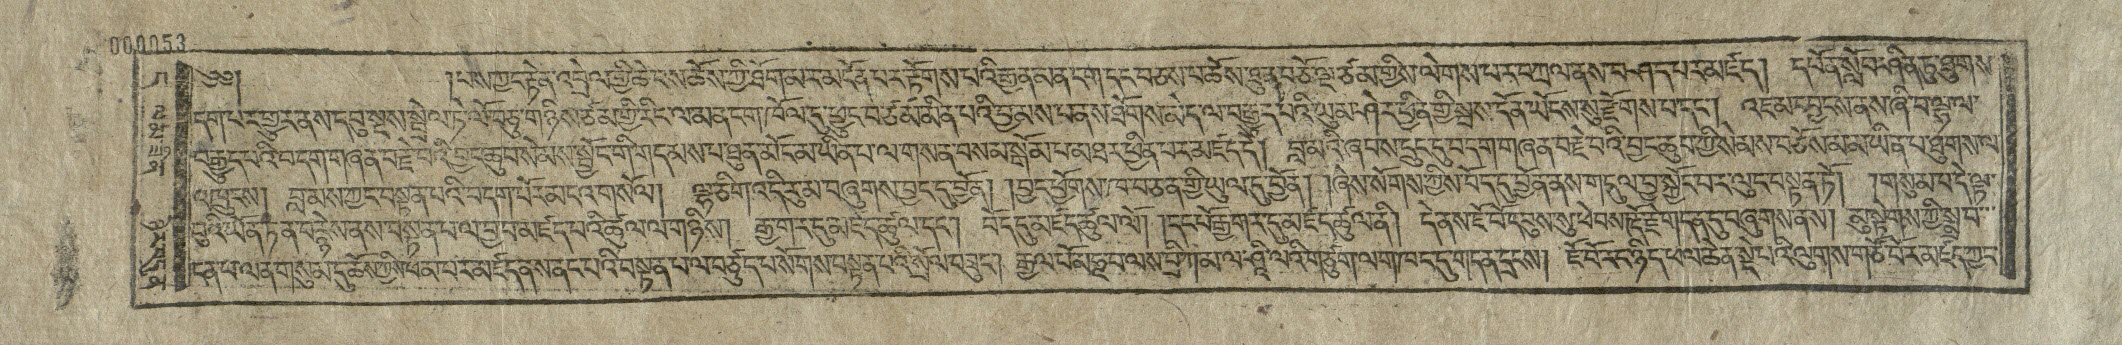༄༅། །པས་ཀྱང་རྟེན་འབྲེལ་གྱི་ཆེ་བས་ཆོས་ཀྱི་ཐོག་མར་མངོན་པར་རྟོགས་པའི་རྒྱན་མན་ངག་དང་བཅས་པ་ཆོས་ཐུན་བཅོ་ལྔ་ཙམ་གྱིས་ལེགས་པར་བཀྲལ་ནས་བཤད་པར་མཛད། དཔོན་སློབ་ཤིན་ཏུ་ཐུགས་
དག་པར་གྱུར་ནས་དབུ་སྔས་སྦྲེལ་ཏེ་ལོ་བཅུ་གཉིས་ཙམ་གྱི་རིང་ལ་མན་ངག་ཁོལ་དུ་ཕྱུང་བ་ཙམ་མིན་པའི་བྱམས་པ་ནས་ཐོགས་མེད་ལ་བརྒྱུད་པའི་ཡུམ་ཤེར་ཕྱིན་གྱི་སྦས་དོན་ཡོངས་སུ་རྫོགས་པ་དང་། འཇམ་དབྱངས་ནས་ཞི་བ་ལྷ་ལ་
བརྒྱུད་པའི་བདག་གཞན་བརྗེ་བའི་བྱང་ཆུབ་སེམས་སྦྱོང་གི་གདམས་པ་ཐུན་མོང་མ་ཡིན་པ་ལ་གསན་བསམ་སྒོམ་པ་མཐར་ཕྱིན་པར་མཛད་དེ། བླ་མའི་ཞབས་དྲུང་དུ་བདག་གཞན་བརྗེ་བའི་བྱང་ཆུབ་ཀྱི་སེམས་བཅོས་མ་མ་ཡིན་པ་ཐུགས་ལ་
འཁྲུངས། བླ་མས་ཀྱང་བསྟན་པའི་བདག་པོར་མངའ་གསོལ། ལྷ་ཅིག་འདི་རུ་མ་བཞུགས་བྱང་དུ་བྱོན། །བྱང་ཕྱོགས་ཁ་བ་ཅན་གྱི་ཡུལ་དུ་བྱོན། །ཞེས་སོགས་ཀྱིས་བོད་དུ་བྱོན་ནས་གདུལ་བྱ་སྐྱོང་བར་ལུང་བསྟན་ཏོ། །གསུམ་པ་དེ་ལྟ་
བུའི་ཡོན་ཏན་བརྙེས་ནས་བསྟན་པ་ལ་བྱ་བ་མཛད་པའི་ཚུལ་ལ་གཉིས། རྒྱ་གར་དུ་མཛད་ཚུལ་དང་། བོད་དུ་མཛད་ཚུལ་ལོ། །དང་པོ་རྒྱ་གར་དུ་མཛད་ཚུལ་ནི། དེ་ནས་ཇོ་བོ་དབུས་སུ་ཕེབས༑ ?་རྡོ་རྗེ་གདན་དུ་བཞུགས་ནས། མུ་སྟེགས་ཀྱི་སྨྲ་བ་
ངན་པ་ལན་གསུམ་དུ་ཆོས་ཀྱིས་ཕམ་པར་མཛད་ནས་ནང་པའི་བསྟན་པ་ལ་བཙུད་པ་སོགས་བསྟན་པའི་སྲོལ་བཟུང་། རྒྱལ་པོ་མ་ཧཱ་བ་ལས་བྲི་ཀ་མ་ལ་ཤཱི་ལའི་གཙུག་ལག་ཁང་དུ་གདན་དྲངས། ཇོ་བོ་རང་ཉིད་ཕལ་ཆེན་སྡེ་པའི་ལུགས་གཙོ་བོར་མཛད་ཀྱང་